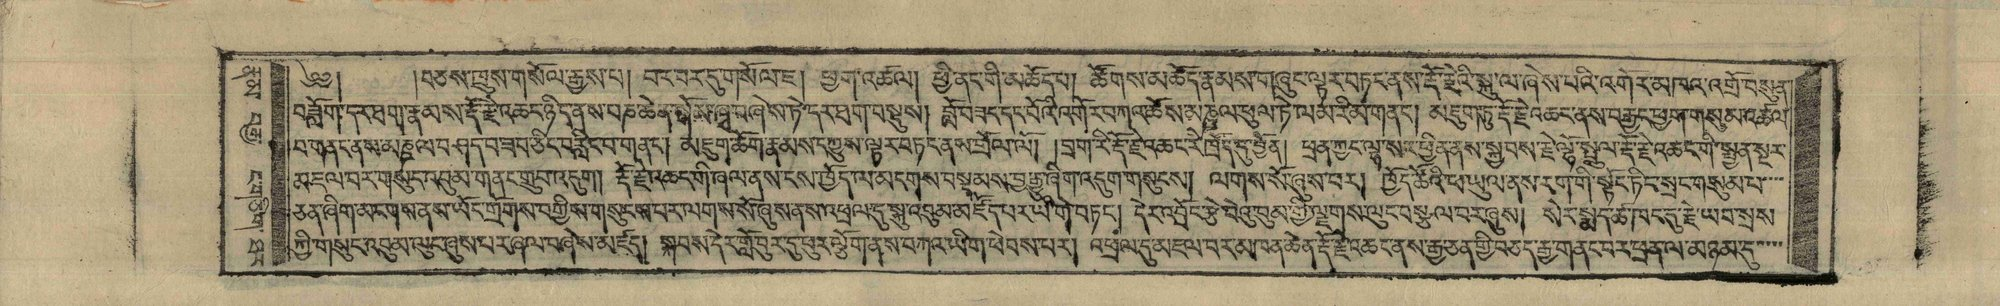༄༅། །བཅས་ཁྲུས་གསོལ་རྒྱས་པ། བར་བར་དུ་གསོལ་ཇ། ཕྱག་འཚལ། ཕྱི་ནང་གི་མཆོད་པ། ཚོགས་མཆོད་རྣམས་གཞུང་ལྟར་བཏང་ནས་རྡོ་རྗེའི་སྐུ་ལ་ཞེས་པའི་འགྲོ་མཁའ་འགྲོ་བསུན་
བཟློག་དར་ཐག་རྣམས་རྡོ་རྗེ་འཆང་ཉིད་ནས་པཎ་ཆེན་སྒོམ་ཞྭ་བཞེས་ཏེ་དར་ཐག་བསྡུས། བློ་བཟང་དང་པོའི་འགོར་བཀའ་ཆོས་མཎྜལ་ཕུལ་ཏེ་ལམ་རིམ་གནང་། མཇུག་ཏུ་རྡོ་རྗེ་འཆང་ནས་བརྐྱང་ཕྱག་གསུམ་འཚལ་
བ་གནང་ནས་མཎྜལ་བཤད་པ་ཟབ་ཅིང་བརླིང་བ་གནང་། མཇུག་ཆོག་རྣམས་དཀྱུས་ལྟར་བཏང་ནས་གྲོལ་ལོ། །བྲག་རི་རྡོ་རྗེ་འཆང་རི་ཁྲོད་དུ་བྱོན། ཕྲན་ཀྱང་ལྷ་སར་ཕྱིན་ནས་སྐྱབས་རྗེ་ལྷོ་སྤྲུལ་རྡོ་རྗེ་འཆང་གི་སྤྱན་སྔར་
མཇལ་བར་གསུང་འབུམ་གནང་གྲུབ་འདུག །རྡོ་རྗེ་འཆང་གི་ཞལ་ནས་ངས་ཁྱོད་ལ་མངགས་བསྡམས་བྱ་རྒྱུ་ཞིག་འདུག་གསུངས། ལགས་སོ་ཞུས་པར། ཁྱོད་ཚོའི་ཕ་ཡུལ་ནས་རག་གི་སྟོང་ཏིང་སྲང་གསུམ་པ་
ཅན་ཞིག་མངགས་ནས་ཡོང་གྲོགས་བགྱིས་གསུངས་པར་ལགས་སོ་ཞུས་ནས་འཕྲལ་དུ་སྐུ་འབུམ་མཛོད་པར་ཡི་གེ་བཏང་། དེར་འབྲོང་རྩེ་བེའུ་བུམ་གྱི་ལྗགས་ལུང་བསྩལ་བར་ཞུས། སེར་སྨད་ཚ་ཁང་དུ་རྗེ་ཡབ་སྲས་
ཀྱི་གསུང་འབུམ་ལུང་ཞུས་པར་ཞལ་བཞེས་མཛད། སྐབས་དེར་གློ་བུར་དུ་ཕུར་ལྕོག་ནས་བཀའ་ཡིག་ཕེབས་པར། འཕྲལ་དུ་མཇལ་བར་མཁན་ཆེན་རྡོ་རྗེ་འཆང་ནས་རྒྱ་ཅན་གྱི་བཅད་རྒྱ་གནང་བར་ཕྲན་ལ་མཉམ་དུ་